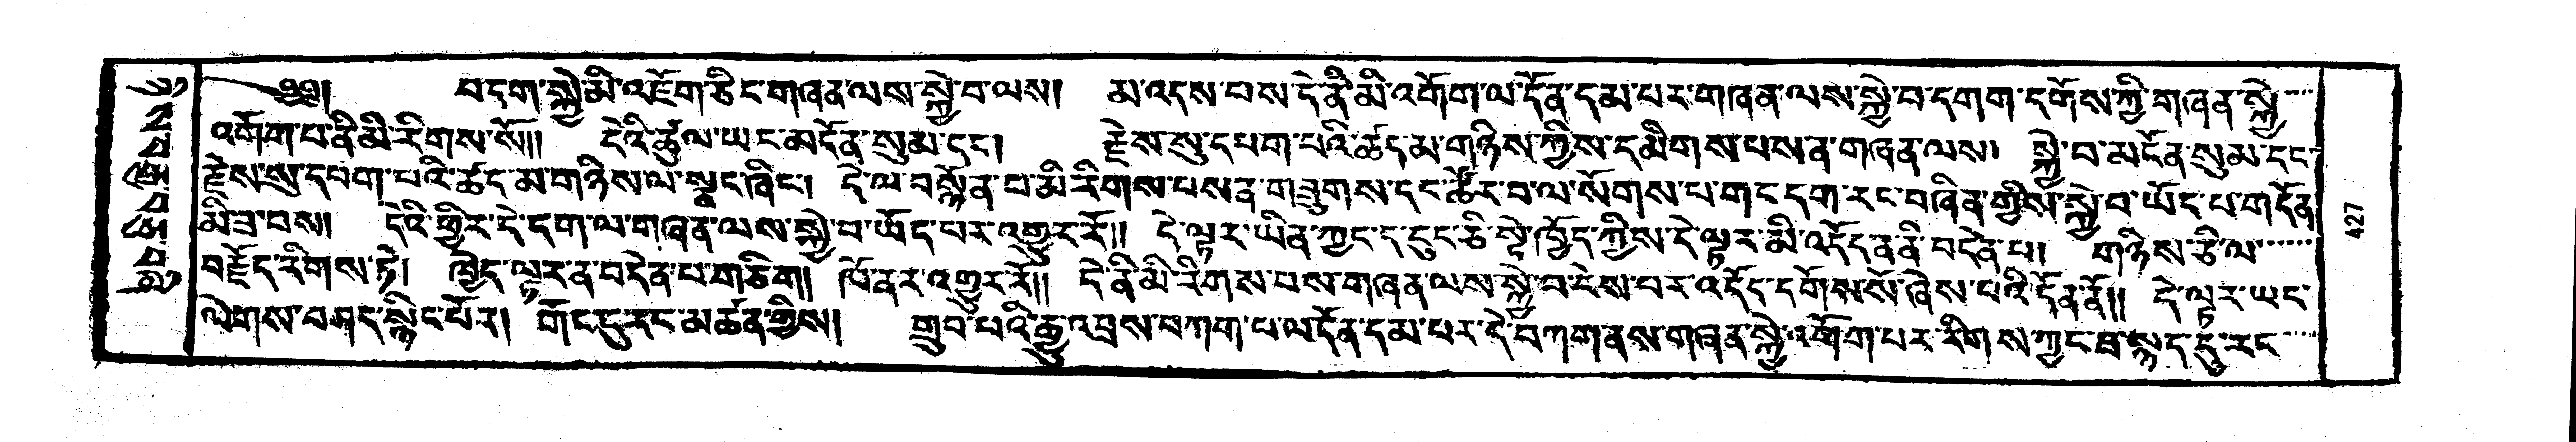༄༅། །བདག་སྐྱེ་མི་འཇོག་ཅིང་གཞན་ལས་སྐྱེ་བ་ལས། མ་འདས་པས་དེ་ནི་མི་འགོག་ལ་དོན་དམ་པར་གཞན་ལས་སྐྱེ་བ་དགག་དགོས་ཀྱི་གཞན་སྐྱེ་
འགོག་པ་ནི་མི་རིགས་སོ། །དེའི་ཚུལ་ཡང་མངོན་སུམ་དང་། རྗེས་སུ་དཔག་པའི་ཚད་མ་གཉིས་ཀྱིས་དམིགས་པས་ན་གཞན་ལས། སྐྱེ་བ་མངོན་སུམ་དང་
རྗེས་སུ་དཔག་པའི་ཚད་མ་གཉིས་ལ་སྣང་ཞིང་། དེ་ལ་བསྙོན་པ་མི་རིགས་པས་ན་གཟུགས་དང་ཚོར་བ་ལ་སོགས་པ་གང་དག་རང་བཞིན་གྱིས་སྐྱེ་བ་ཡོད་པ་གདོན་
མི་ཟ་བས། དེའི་ཕྱིར་དེ་དག་ལ་གཞན་ལས་སྐྱེ་བ་ཡོད་པར་འགྱུར་རོ། །དེ་ལྟར་ཡིན་ཀྱང་ད་དུང་ཅི་སྟེ་ཁྱོད་ཀྱིས་དེ་ལྟར་མི་འདོད་ན་ནི་བདེན་པ། གཉིས་ཅི་ལ་
བརྗོད་རིགས་ཏེ། ཁྱེད་ལྟར་ན་བདེན་པ་གཅིག །ཁོ་ནར་འགྱུར་རོ། །དེ་ནི་མི་རིགས་པས་གཞན་ལས་སྐྱེ་བ་ངེས་པར་འདོད་དགོས་སོ་ཞེས་པའི་དོན་ནོ། །དེ་ལྟར་ཡང་
ལེགས་བཤད་སྙིང་པོར། གོང་དུ་རང་མཚན་གྱིས། གྲུབ་པའི་རྒྱུ་འབྲས་བཀག་པ་ལ་དོན་དམ་པར་དེ་བཀག་ནས་གཞན་སྐྱེ་འགོག་པར་རིགས་ཀྱང་ཐ་སྙད་དུ་རང་